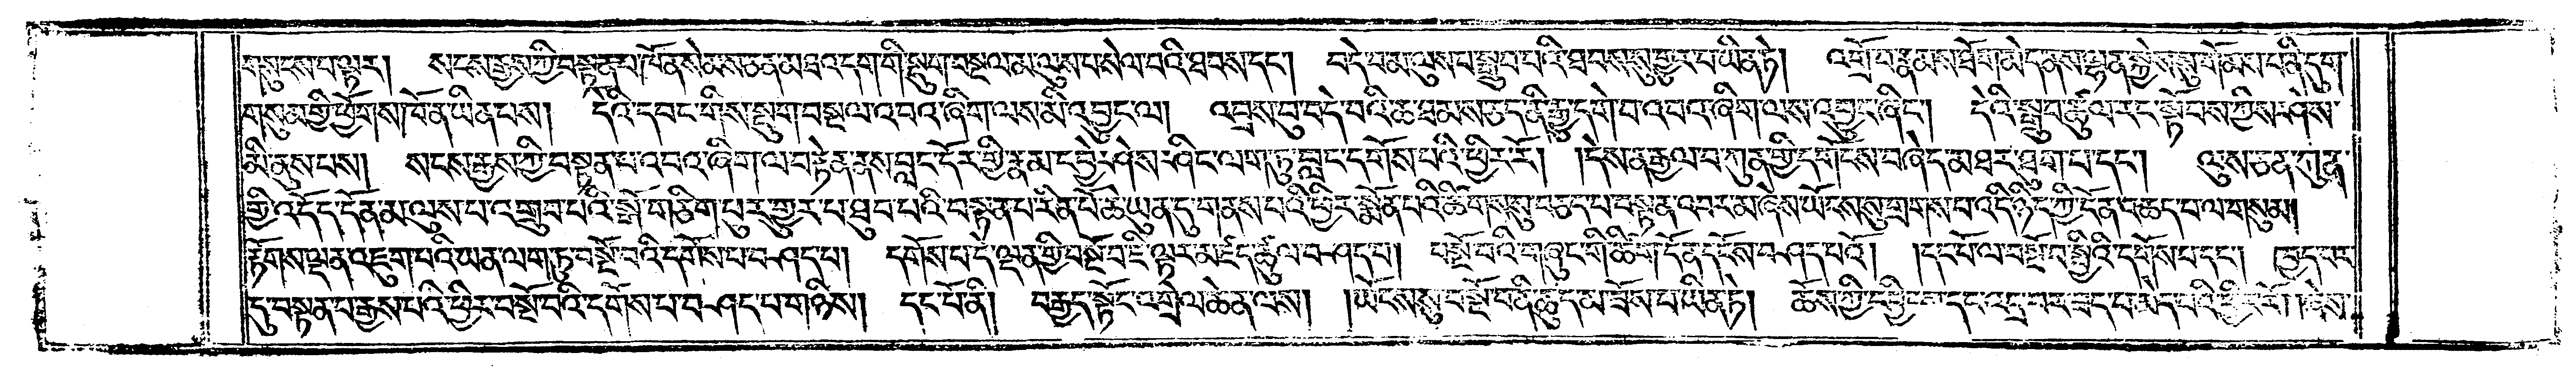གསུངས་བ་ལྟར། སངས་རྒྱས་ཀྱི་བསྟན་པ་ཁོ་ན་སེམས་ཅན་མཐའ་དག་གི་སྡུག་བསྔལ་མ་ལུས་པ་སེལ་བའི་ཐབས་དང་། བདེ་བ་མ་ལུས་པ་སྒྲུབ་པའི་ཐབས་སུ་གྱུར་པ་ཡིན་ཏེ། འགྲོ་བ་རྣམས་ཐོག་མེད་ནས་ལྷན་སྐྱེས་སུ་གོམས་པ་ནི་དུག་
གསུམ་གྱི་ཕྱོགས་ཁོ་ན་ཡིན་པས། དེའི་དབང་གིས་སྡུག་བསྔལ་འབའ་ཞིག་ལས་མི་འབྱུང་ལ། འབྲས་བུ་བདེ་བའི་ཆ་ཐམས་ཅད་ནི་རྒྱུ་དགེ་བ་འབའ་ཞིག་ལས་འབྱུང་ཞིང་། དེའི་སྒྲུབ་ཚུལ་རང་སྟོབས་ཀྱིས་ཤེས་
མི་ནུས་པས། སངས་རྒྱས་ཀྱི་བསྟན་པ་འབའ་ཞིག་ལ་བརྟེན་ནས་བླང་དོར་གྱི་རྣམ་དབྱེ་ཤེས་ཤིང་ལག་ཏུ་བླང་དགོས་པའི་ཕྱིར་རོ། །དེས་ན་རྒྱལ་བ་ཀུན་གྱི་དགོངས་བཞེད་མཐར་ཐུག་པ་དང་། ལུས་ཅན་ཀུན་
གྱི་འདོད་དོན་མ་ལུས་པ་འགྲུབ་པའི་སྒོ་གཅིག་པུར་གྱུར་པ་ཐུབ་པའི་བསྟན་པ་རིན་པོ་ཆེ་ཡུན་དུ་གནས་པའི་ཕྱིར་སྨོན་བའི་ཚིགས་སུ་བཅད་པ་བསྟན་འབར་མ་ཞེས་ཡོངས་སུ་གྲགས་བ་འདི་ཉིད་ཀྱི་དོན་འཆད་པ་ལ་གསུམ།
རྟོགས་ལྡན་འཇུག་པའི་ཡན་ལག་ཏུ་བསྔོ་བའི་དགོས་པ་བཤད་པ། དགོས་པ་དེ་ལྡན་གྱི་བསྔོ་བ་ཇི་ལྟར་མཛད་ཚུལ་བཤད་བ། བསྔོ་བའི་གཞུང་གི་ཚིག་དོན་དངོས་བཤད་པའོ། །དང་པོ་ལ་བསྔོ་བ་སྤྱིའི་དགོས་པ་དང་། ཁྱད་པར་
དུ་བསྟན་པ་རྒྱས་བའི་ཕྱིར་བསྔོ་བའི་དགོས་པ་བཤད་པ་གཉིས། དང་པོ་ནི། བརྒྱད་སྟོང་འགྲེལ་ཆེན་ལས། །ཡོངས་སུ་བསྔོ་བ་ནི་ཆུད་མ་ཟོས་པ་ཡིན་ཏེ། ཆོས་ཀྱི་དབྱིངས་དང་འདྲ་བར་ཟད་པ་མེད་བའི་ཕྱིར་རོ། །ཞེས་